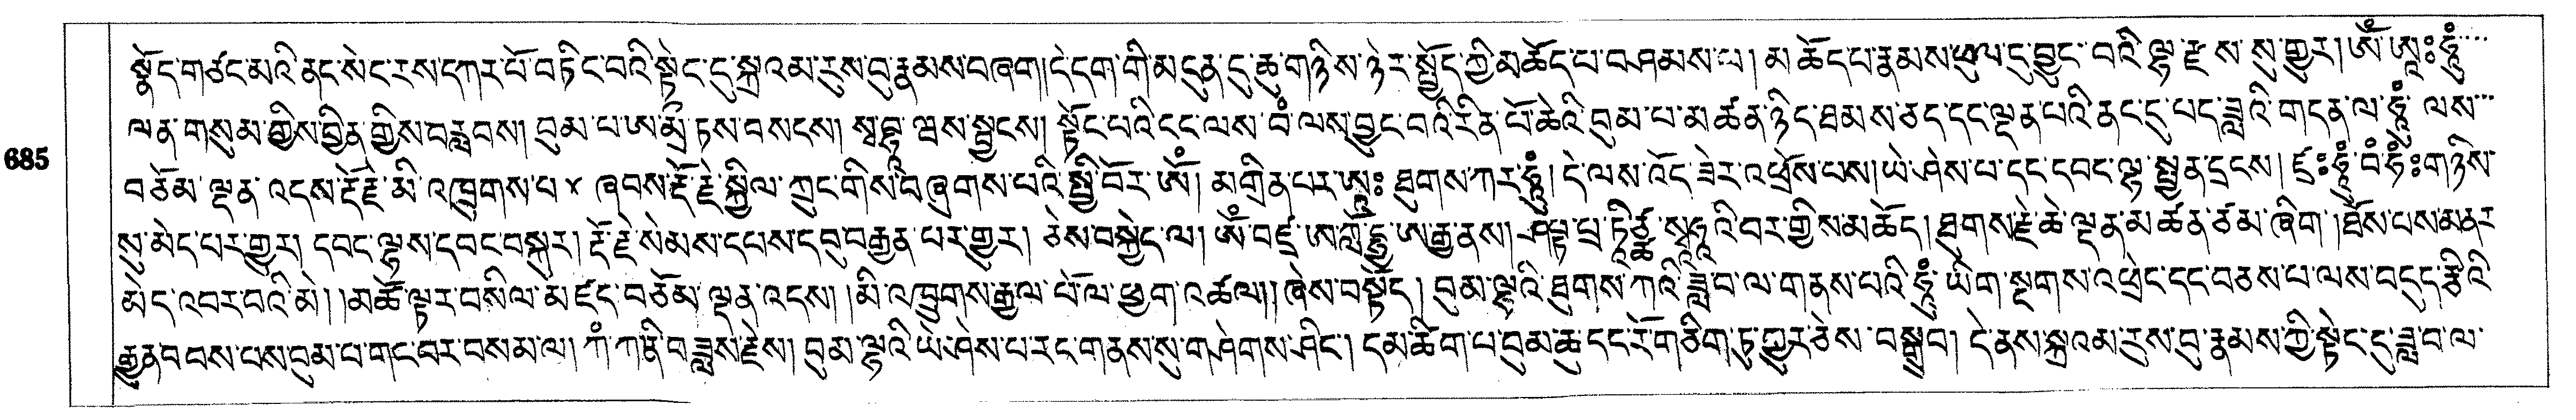སྣོད་གཙང་མའི་ནང་སེང་རས་དཀར་པོ་བཏིང་བའི་སྟེང་དུ་སྐྲའམ་རུས་བུ་རྣམས་བཞག །དེ་དག་གི་མདུན་དུ་ཆུ་གཉིས་ཉེར་སྤྱོད་ཀྱི་མཆོད་པ་བཤམས་པ། མཆོད་པ་རྣམས་ཕུལ་དུ་བྱུང་བའི་ལྷ་རྫས་སུ་གྱུར། ཨོཾ་ཨཱཿ ཧཱུཾ་
ལན་གསུམ་གྱིས་བྱིན་གྱིས་བརླབས། བུམ་པ་ཨ་མྲྀ་ཏས་བསངས། སྭ་བྷཱ་ཝས་སྦྱངས། སྟོང་པའི་ངང་ལས་བཾ་ལས་བྱུང་བའི་རིན་པོ་ཆེའི་བུམ་པ་མཚན་ཉིད་ཐམས་ཅད་དང་ལྡན་པའི་ནང་དུ་པད་ཟླའི་གདན་ལ་ཧཱུཾ་ལས་
བཅོམ་ལྡན་འདས་རྡོ་རྗེ་མི་འཁྲུགས་པ་྾་ཞབས་རྡོ་རྗེ་སྐྱིལ་ཀྲུང་གིས་བཞུགས་པའི་སྤྱི་བོར་ཨོཾ། མགྲིན་པར་ཨཱཿ ཐུགས་ཀར་ཧཱུཾ། དེ་ལས་འོད་ཟེར་འཕྲོས་པས། ཡེ་ཤེས་པ་དང་དབང་ལྷ་སྤྱན་དྲངས། ཛྲཿ ཧཱུཾ་བཾ་ཧཾཿ གཉིས་
སུ་མེད་པར་གྱུར། དབང་ལྷས་དབང་བསྐུར། རྡོ་རྗེ་སེམས་དཔས་དབུ་བརྒྱན་པར་གྱུར། ཅེས་བསྐྱེད་ལ། ཨོཾ་བཛྲ་ཨ་ཀློ་དྷྱ་ཨ་རྒྱ་ནས། ཤཔྟ་པྲ་ཏཱི་ཙྪ་སྭཱ་ཧཱའི་བར་གྱིས་མཆོད། ཐུགས་རྗེ་ཆེ་ལྡན་མཚན་ཙམ་ཞིག །ཐོས་པས་མནར་
མེད་འབར་བའི་མེ། །མཚོ་ལྟར་བསིལ་མཛད་བཅོམ་ལྡན་འདས། །མི་འཁྲུགས་རྒྱལ་པོ་ལ་ཕྱག་འཚལ། །ཞེས་བསྟོད། བུམ་ལྷའི་ཐུགས་ཀའི་ཟླ་བ་ལ་གནས་པའི་ཧཱུཾ་ཡིག་སྔགས་འཕྲེང་དང་བཅས་པ་ལས་བདུད་རྩིའི་
རྒྱུན་བབས་པས་བུམ་པ་གང་བར་བསམ་ལ། ཀཾ་ཀ་ནི་བཟླས་རྗེས། བུམ་ལྷའི་ཡེ་ཤེས་པ་རང་གནས་སུ་གཤེགས་ཤིང་། དམ་ཚིག་པ་བུམ་ཆུ་དང་རོ་གཅིག་ཏུ་གྱུར་ཅེས་བསྒྲུབ། དེ་ནས་སྐྲཱམ་རུས་བུ་རྣམས་ཀྱི་སྟེང་དུ་ཟླ་བ་ལ་